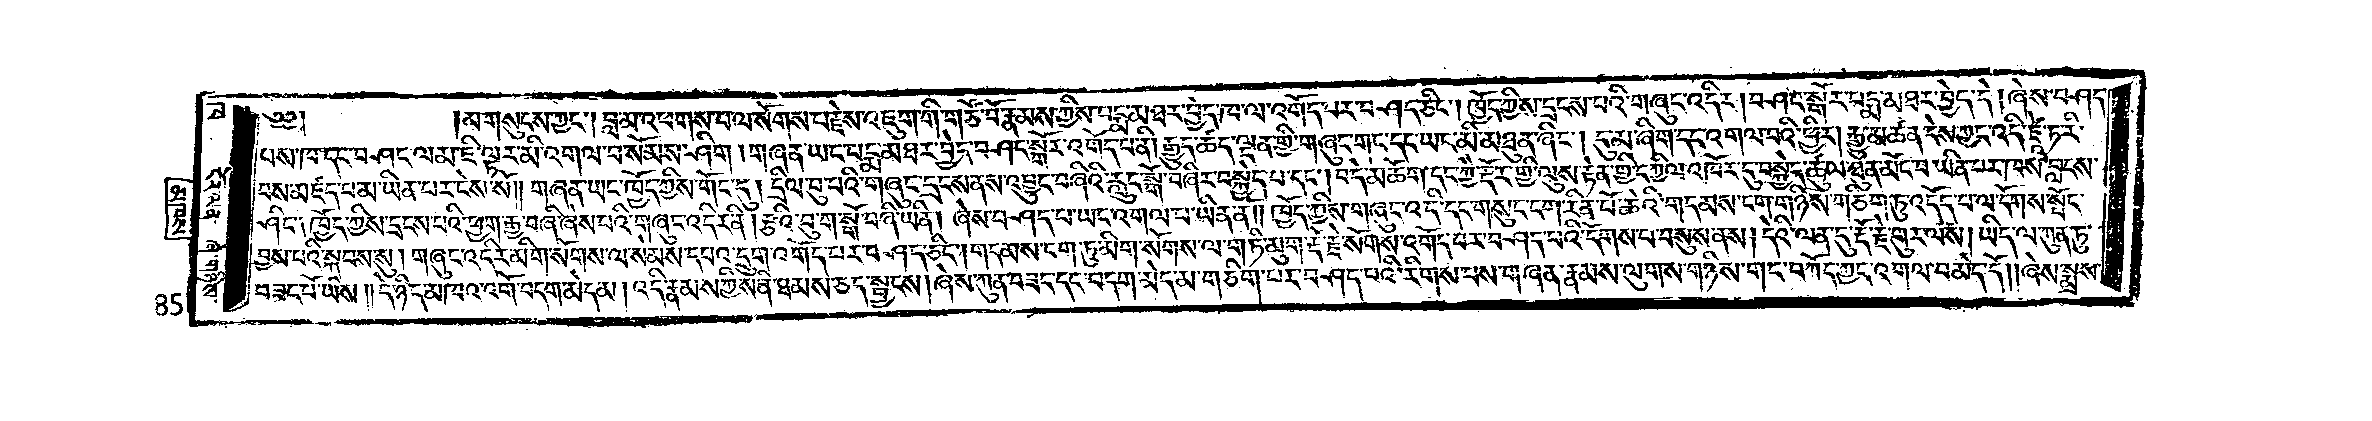༄༅། །མ་གསུངས་ཀྱང་། བླ་མ་འཕགས་པ་ལ་སོགས་པ་རྗེས་འཇུག་གི་གཙོ་བོ་རྣམས་ཀྱིས་པདམ་མཐར་བྱེད་ཁ་ལ་འགོད་པར་བཤད་ཅིང་། ཁྱོད་ཀྱིས་དྲངས་པའི་གཞུང་འདིར། བཤད་སྒོར་པདམ་མཐར་བྱེད་དེ། ཞེས་བཤད་
པས་ཁ་དང་བཤད་ལམ་ཇི་ལྟར་མི་འགལ་བ་སོམས་ཤིག། གཞན་ཡང་པདམ་མཐར་བྱེད་བཤད་སྒྲོར་འགོད་པ་ནི། རྒྱུན་ཚད་ལྡན་གྱི་གཞུང་གང་དང་ཡང་མི་མཐུན་ཞིང་། དུ་མ་ཞིག་དང་འགལ་བའི་ཕྱིར། རྒྱུ་མཚན་དེས་ཀྱང་འདི་ཛE་ཏ་རི་
བས་མཛད་པ་མ་ཡིན་པར་ངེས་སོ། །གཞན་ཡང་ཁྱོད་ཀྱིས་གོང་དུ། དྲིལ་བུ་བའི་གཞུང་དྲངས་ནས་འབྱུང་བཞིའི་རླུང་སྒོ་བཞིར་བསྐྱེད་པ་དང་། བདེ་མཆོག་དང་ཀྱཻ་རྡོར་གྱི་ལུས་རྟེན་གྱི་དཀྱིལ་འཁོར་དུ་བསྐྱེད་ཚུལ་མཐུན་མོང་བ་ཡིན་པར་ཁས་བླངས་
ཤིང་། ཁྱོད་ཀྱིས་དྲང་པའི་ཕྱག་རྒྱ་བཞི་ཞེས་པའི་གཞུང་འདིར་ནི། རྩའི་བུ་ག་སྒོ་བཞི་ཡིན། ཞེས་བཤད་པ་ཡང་འགལ་བ་ཡིན་ནོ། །ཁྱོད་ཀྱིས་གཞུང་འདི་དང་གསུང་ངག་རིན་པོ་ཆེའི་གདམ་ངག་གཉིས་གཅིག་ཏུ་འདོད་པ་ལ་དོགས་སྤོང་
བྱས་པའི་སྐབས་སུ། གཞུང་འདིར་མིག་སོགས་ལ་སེམས་དཔའ་དྲུག་འགོད་པར་བཤད་ཅིང་། གདམས་ངག་ཏུ་མིག་སོགས་ལ་གཏི་མུག་རྡོ་རྗེ་སོགས་འགོད་པར་བཤད་པའི་དོགས་པ་བསུས་ནས། དེའི་ལན་དུ་རྡོ་རྗེ་གུར་ལས། ཡིད་ལ་ཀུན་ཏུ་
བཟང་པོ་ཡིས། །དེ་ཉིད་མཁའ་འགོ་བདག་མེད་མ། འདི་རྣམས་སྐྱི་ས་ནི་ཐམས་ཅད་སྦྱང་། ཞེས་ཀུན་བཟང་དང་བདག་མེད་མ་གཅིག་པར་བཤད་པའི་རིགས་པས་གཞན་རྣམས་ལུགས་གཉིས་གང་བཀོད་ཀྱང་འགལ་བ་མེད་དོ། །ཞེས་སྨྲས་